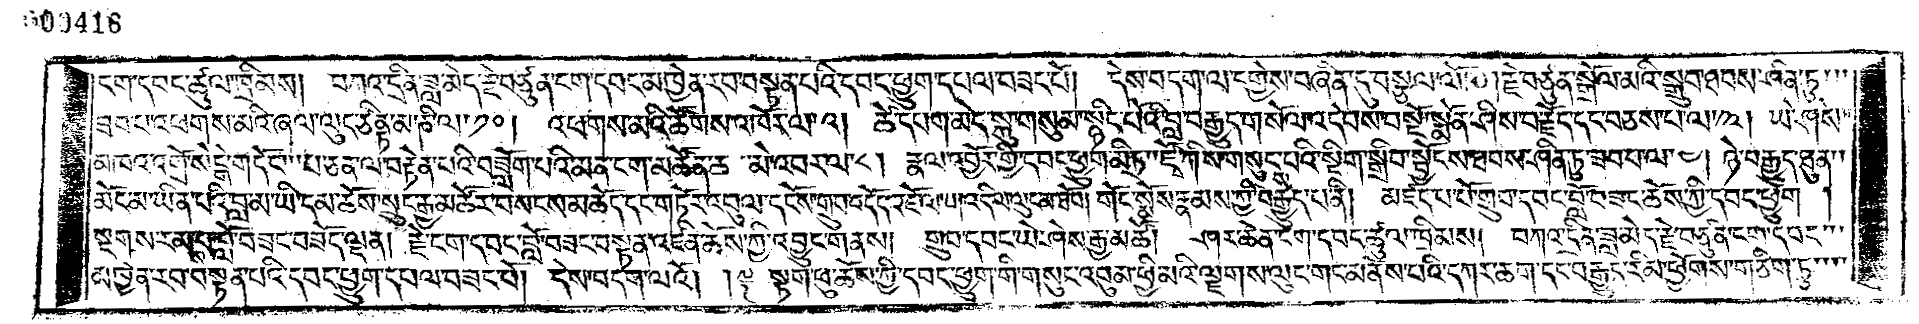ངག་དབང་ཚུལ་ཁྲིམས། བཀའ་དྲིན་བླ་མེད་རྗེ་བཙུན་ངག་དབང་མཁྱེན་རབ་བསྟན་པའི་དབང་ཕྱུག་དཔལ་བཟང་པོ། དེས་བདག་ལ་དགྱེས་བཞིན་དུ་བསྩལ་ལོ། །རྗེ་བཙུན་སྒྲོལ་མའི་སྒྲུབ་ཐབས་ཤིན་ཏུ་
ཟབ་པ་འཕགས་མའི་ཞལ་ལུང་ཙིནྚ་མ་ཎི་ལ ༡༠། འཕགས་མའི་ཚོགས་འཁོར་ལ༢། ཚེ་དཔག་མེད་སྐུ་གསུམ་སྙིང་པོའི་བླ་རྒྱུད་གསོལ་འདེབས་བསྔོ་སྨོན་ཤིས་བརྗོད་དང་བཅས་པ་ལ༣། ཡེ་ཤེས་
མཁའ་འགྲོ་སེངྒེ་གདོང་པ་ཅན་ལ་བརྟེན་པའི་བཟློག་པའི་མན་ངག་མཚོན་ཆེ་མེ་འབར་ལ༨། རྣལ་འབྱོར་གྱི་དབང་ཕྱུག་མི་ཏྲ་ཛྭོ་ཀི་ས་གསུང་པའི་སྡིག་སྒྲིབ་སྦྱོངས་ཐབས་ཤིན་ཏུ་ཟབ་པ་ལ༤། ཉེ་བརྒྱུད་ཐུན་
མོང་མ་ཡིན་པའི་བླ་མ་ཡི་དམ་ཆོས་སྲུང་རྒྱ་མཚོར་བསངས་མཆོད་དང་གཏོར་འབུལ་དངོས་གྲུབ་འདོད་འཇོལ་བ། འདི་ལ་ལུང་མ་ཐོབ། གོང་སྨོས་རྣམས་ཀྱི་བརྒྱུད་པ་ནི། མཛད་པ་པོ་གྲུབ་དབང་བློ་བཟང་ཆོས་ཀྱི་དབང་ཕྱུག།
སྔགས་རམ་པ་བློ་བཟང་བཟོད་ལྡན། རྗེ་ངག་དབང་བློ་བཟང་བསྟན་འཛིན་ཆོས་ཀྱི་འབྱུང་གནས། གྲུབ་དབང་ཡེ་ཤེས་རྒྱ་མཚོ། །ཤར་ཆེན་ངག་དབང་ཚུལ་ཁྲིམས། བཀའ་དྲིན་ཟླ་མེད་རྗེ་བཙུན་ངག་དབང་
མཁྱེན་རབ་བསྟན་པའི་དབང་ཕྱུག་དཔལ་བཟང་པོ། དེས་བདག་ལའོ། །༈ སྟག་ཕུ་ཆོས་ཀྱི་དབང་ཕྱུག་གི་གསུང་འབུམ་ཕྱི་མའི་ལྗགས་ལུང་གན་མནོས་པའི་ཀར་ཆག་དང་བརྒྱུད་མི་ཕྱོགས་གཅིག་ཏུ་